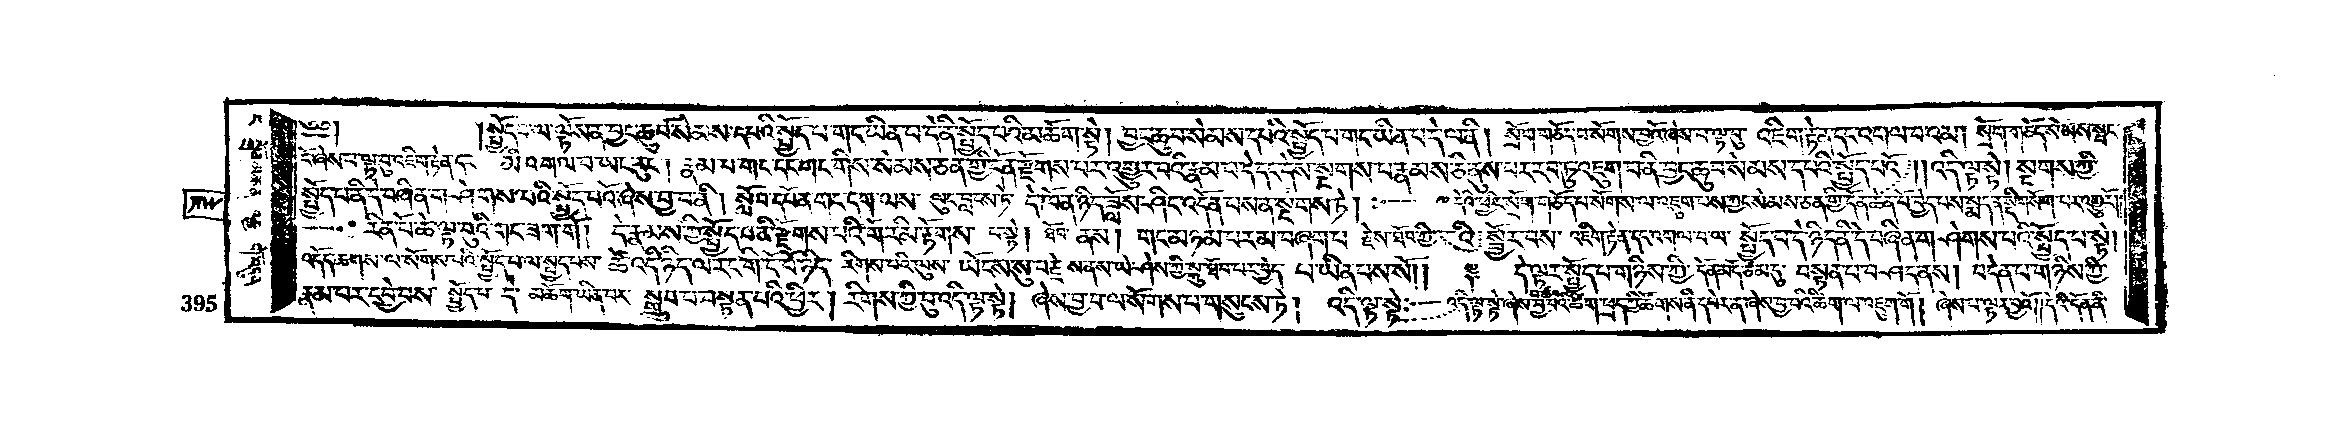༄༅། །སྤྱོད་པ་ལ་ལྟོས་ན་བྱང་ཆུབ་སེམས་དཔའི་སྤྱོད་པ་གང་ཡིན་པ་དེ་ནི་སྤྱོད་པའི་མཆོག་སྟེ། བྱང་ཆུབ་སེམས་དཔའི་སྤྱོད་པ་གང་ཡིན་པ་དེ་ལ་ནི། སྲོག་གཅོད་པ་སོགས་བྱའོ་ཞེས་པ་ལྟ་བུ་འཇིག་རྟེན་དང་འགལ་བའམ། སྲོག་གཅོད་སོགས་སྤང་
ངོ་ཞེས་པ་ལྟ་བུ་འཇིག་རྟེན་དང་མི་འགལ་བ་ཡང་རུང་། རྣམ་པ་གང་དང་གང་གིས་སེམས་ཅན་གྱི་དོན་རྫོགས་པར་འགྱུར་བའི་རྣམ་པ་དེ་དང་དེས་སྔགས་པ་རྣམས་ཅི་ནུས་པར་རབ་ཏུ་འཇུག་པ་ནི་བྱང་ཆུབ་སེམས་དཔའི་སྤྱོད་པའོ། །འདི་ལྟ་སྟེ། སྔགས་ཀྱི་
སྤྱོད་པ་ནི་དེ་བཞིན་གཤེགས་པའི་སྤྱོད་པའོ་ཞེས་བྱ་བ་ནི། སློབ་དཔོན་གང་དག་ལས་ལུང་བླངས་ཏེ་དེ་ཁོ་ན་ཉིད་ཟློས་ཤིང་འདོན་པས་ན་སྔགས་ཏེ། H.་༧་དེའི་ཕྱིར་སྲོག་གཅོད་པ་སོགས་ལ་འཇུག་པས་ཀྱང་སེམས་ཅན་གྱི་དོན་ཆེན་པོ་བྱེད་པས་སྨད་ན་སྡིག་སོག་པར་འགྱུར་རོ།།
.H རིན་པོ་ཆེ་ལྟ་བུའི་གང་ཟག་གོ །དེ་རྣམས་ཀྱི་སྤྱོད་པ་ནི་རྫོགས་པའི་གོ་རིམ་རྟོགས་པ་སྟེ། ཐོབ་ནས། གང་མཉམ་པར་མ་བཞག་པ་རྗེས་ཐོབ་ཀྱི་འི་སྦྱོར་བས་འཇིག་རྟེན་དང་འགལ་བ་ལ་སྤྱོད་པ་དེ་ཉིད་ནི་དེ་བཞིན་གཤེགས་པའི་སྤྱོད་པ་སྟེ།
འདོད་ཆགས་ལ་སོགས་པའི་སྤྱོད་པ་ལ་སྤྱད་པས་ཚེ་འདི་ཉིད་ལ་རང་གི་ངོ་བོ་ཉིད་རིགས་པའི་ལུས་ཡོངས་སུ་བརྗེས་ནས་ཡེ་ཤེས་ཀྱི་སྐུ་ཐོབ་པར་བྱེད་པ་ཡིན་པས་སོ།། ༈ དེ་ལྟར་སྤྱོད་པ་གཉིས་ཀྱི་དོན་མོད་ཙམ་དུ་བསྟན་པ་བཤད་ནས། བདེན་པ་གཉིས་ཀྱི་
རྣམ་པར་དབྱེ་བས་སྤྱོད་པ་དེ་མཆོག་ཡིན་པར་སྒྲུབ་པ་བསྟན་པའི་ཕྱིར། རིགས་ཀྱི་བུ་འདི་ལྟ་སྟེ། ཞེས་བྱ་བ་ལ་སོགས་པ་གསུངས་ཏེ། འདི་ལྟ་སྟེ་H.་འདི་ལྟ་སྟེ་ཞེས་པ་ཚབ་བྱ་བའི་ཚིག་ཕྲད་ཀྱི་ཚོགས་ནི་དཔེར་ན་ཞེས་བྱ་བའི་ཚིག་ལ་འཇུག་གོ །ཞེས་པ་ལྟར་བྱའོ། །དེའི་དོན་ནི་